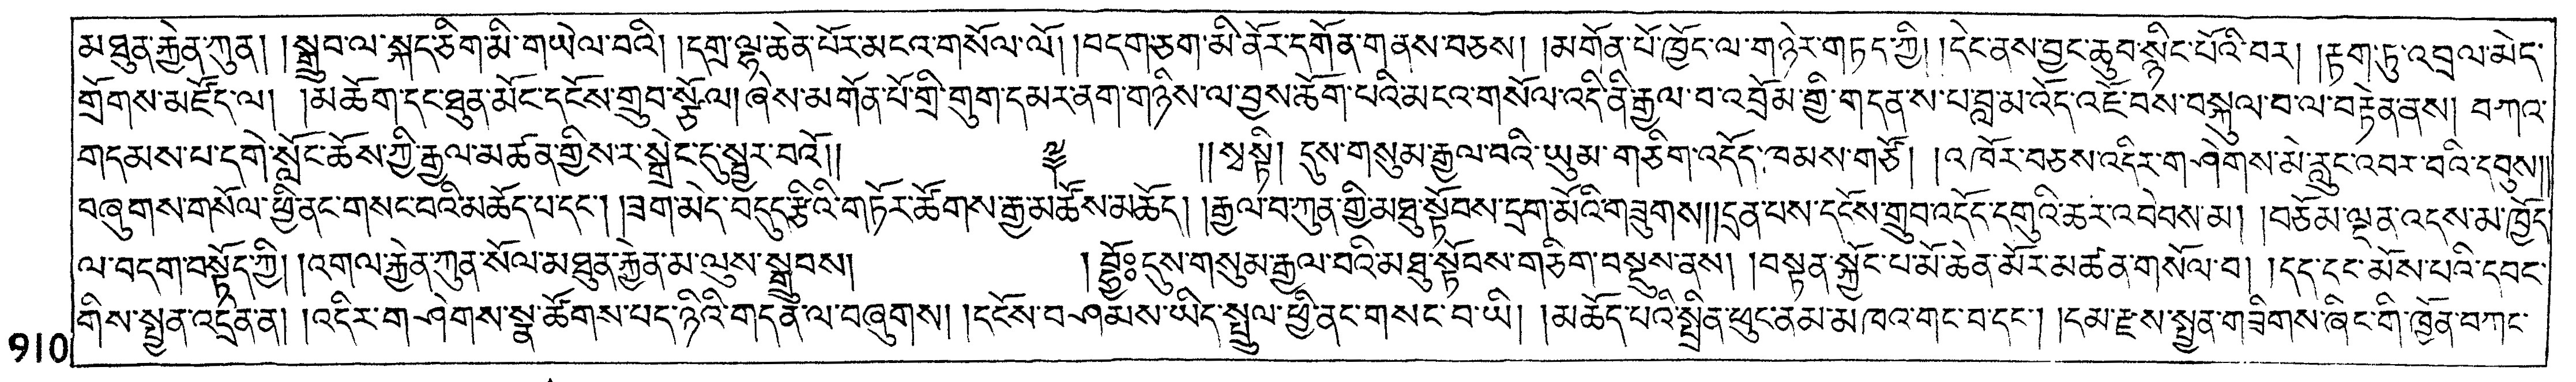མཐུན་རྐྱེན་ཀུན། །སྒྲུབ་ལ་སྐད་ཅིག་མི་གཡེལ་བའི། །དགྲ་ལྷ་ཆེན་པོར་མངའ་གསོལ་ལོ། །བདག་ཅག་མི་ནོར་དགོན་གནས་བཅས། །མགོན་པོ་ཁྱོད་ལ་གཉེར་གཏད་ཀྱི། །དེང་ནས་བྱང་ཆུབ་སྙིང་པོའི་བར། །རྟག་ཏུ་འབྲལ་མེད་
གྲོགས་མཛོད་ལ། །མཆོག་དང་ཐུན་མོང་དངོས་གྲུབ་སྩོལ། ཞེས་མགོན་པོ་གྲི་གུག་དམར་ནག་གཉིས་ལ་བྱས་ཆོག་པའི་མངའ་གསོལ་འདི་ནི་རྒྱལ་བ་འབྲོམ་གྱི་གདན་ས་པ་བླ་མ་འོད་འཇོ་བས་བསྐུལ་བ་ལ་བརྟེན་ནས། བཀའ་
གདམས་པ་དགེ་སློང་ཆོས་ཀྱི་རྒྱལ་མཚན་གྱིས་ར་སྒྲེང་དུ་སྦྱར་བའོ།། ༈ །།སྭ་སྟི། དུས་གསུམ་རྒྱལ་བའི་ཡུམ་གཅིག་འདོད་ཁམས་གཙོ། །འཁོར་བཅས་འདིར་གཤེགས་མེ་རླུང་འབར་བའི་དབུས། །
བཞུགས་གསོལ་ཕྱི་ནང་གསང་བའི་མཆོད་པ་དང་། །ཟག་མེད་བདུད་རྩིའི་གཏོར་ཚོགས་རྒྱ་མཚོས་མཆོད། །རྒྱལ་བ་ཀུན་གྱི་མཐུ་སྟོབས་དྲག་མོའི་གཟུགས། །དྲན་པས་དངོས་གྲུབ་འདོད་དགུའི་ཆར་འབེབས་མ། །བཅོམ་ལྡན་འདས་མ་ཁྱོད་
ལ་བདག་བསྟོད་ཀྱི། །འགལ་རྐྱེན་ཀུན་སོལ་མཐུན་རྐྱེན་མ་ལུས་སྒྲུབས། །བྷྱོཿ དུས་གསུམ་རྒྱལ་བའི་མཐུ་སྟོབས་གཅིག་བསྡུས་ནས། །བསྟན་སྐྱོང་པ་མོ་ཆེན་པོར་མཚན་གསོལ་བ། །དད་དང་མོས་པའི་དབང་
གིས་སྤྱན་འདྲེན་ན། །འདིར་གཤེགས་སྣ་ཚོགས་པད་ཉིའི་གདན་ལ་བཞུགས། །དངོས་བཤམས་ཡིད་སྤྲུལ་ཕྱི་ནང་གསང་བ་ཡི། །མཆོད་པའི་སྤྲིན་ཕུང་ནམ་མཁའ་གང་བ་དང་། །དམ་རྫས་སྤྱན་གཟིགས་ཞིང་གི་ཁྱོན་བཀང་